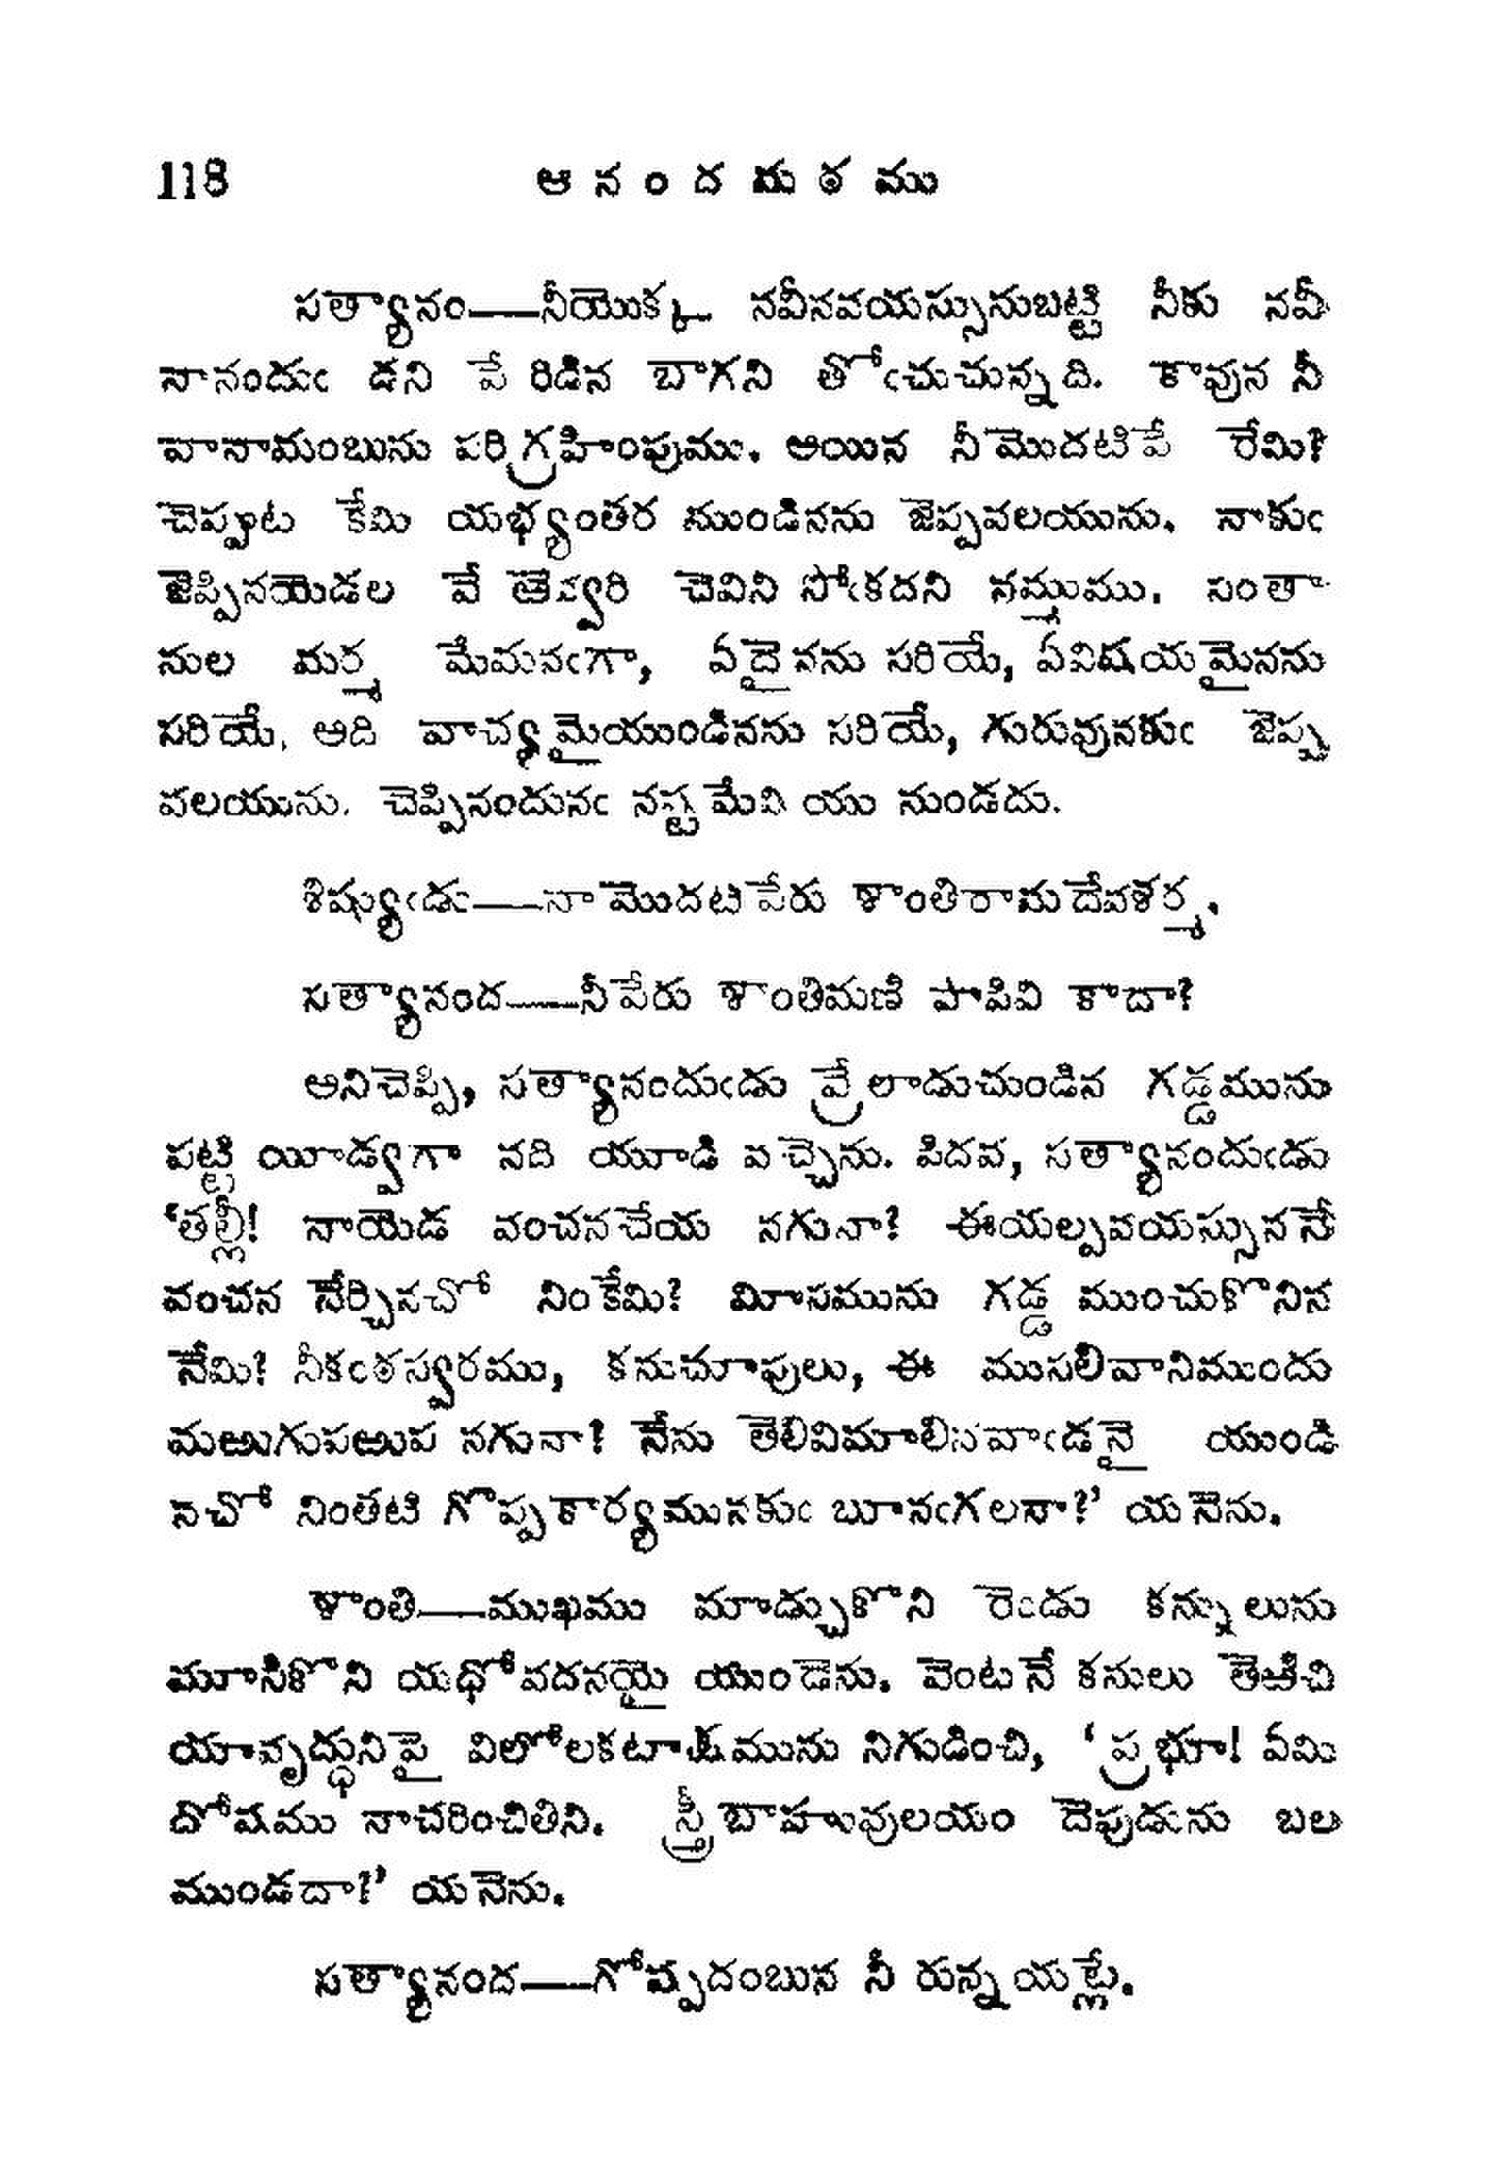సత్యానం—— నీయొక్క నవీనవయస్సును బట్టి నీకు నవీనానందుఁ డని పే రిడిన బాగని తోఁచుచున్నది. కావున నీ
వానామంబును పరిగ్రహింపుము, అయిన నీ మొదటి పేరేమి? చెప్పుట కేమి యభ్యంతర ముండినను జెప్పవలయును, నాకుఁ జెప్పినయెడల వేఱెవ్వరి చెవిని సోఁకదని నమ్ముము, సంతానుల మర్మమేమనఁగా, ఏదైనను సరియే, ఏవిషయమైనను సరియే, ఆది వాచ్యమైయుండినను సరియే, గురువునకుఁ జెప్ప వలయును. చెప్పినందునఁ నష్టమేమియు నుండదు.

శిష్యుఁడు—— నా మొదటి పేరు శాంతిరామదేవశర్మ.

సత్యానంద——నీ పేరు శాంతిమణి పాపివి కాదా?

అని చెప్పి, సత్యానందుఁడు వ్రేలాడుచుండిన గడ్డమును పట్టి యీడ్వగా నది యూడి వచ్చెను. పిదవ, సత్యానందుఁడు
తల్లీ! 'నాయెడ వంచన చేయ నగునా? ఈయల్ప వయస్సుననే వంచన నేర్చినచో నింకేమి? మీసమును గడ్డ ముంచుకొనిన నేమి? నీకంఠ స్వరము, కనుచూపులు, ఈ ముసలివానిముందు మఱుగుపఱుప నగునా! నేను తెలివిమాలిన వాఁడనై యుండినచో నింతటి గొప్ప కార్యమునకుఁ బూనఁగలనా?' యనెను.

శాంతి——ముఖము మాడ్చుకొని రెండు కన్నులును మూసికొని యధోవదనయై యుండెను. వెంటనే కనులు తెఱిచి
యావృద్ధునిపై విలోలకటాక్షమును నిగుడించి, 'ప్రభూ! ఏమి దోషము నాచరించితిని. స్త్రీ బాహువులయం దెపుడును బల
ముండదా?' యనెను,

సత్యానంద—— గోప్పదంబున నీ రున్న యట్లే,